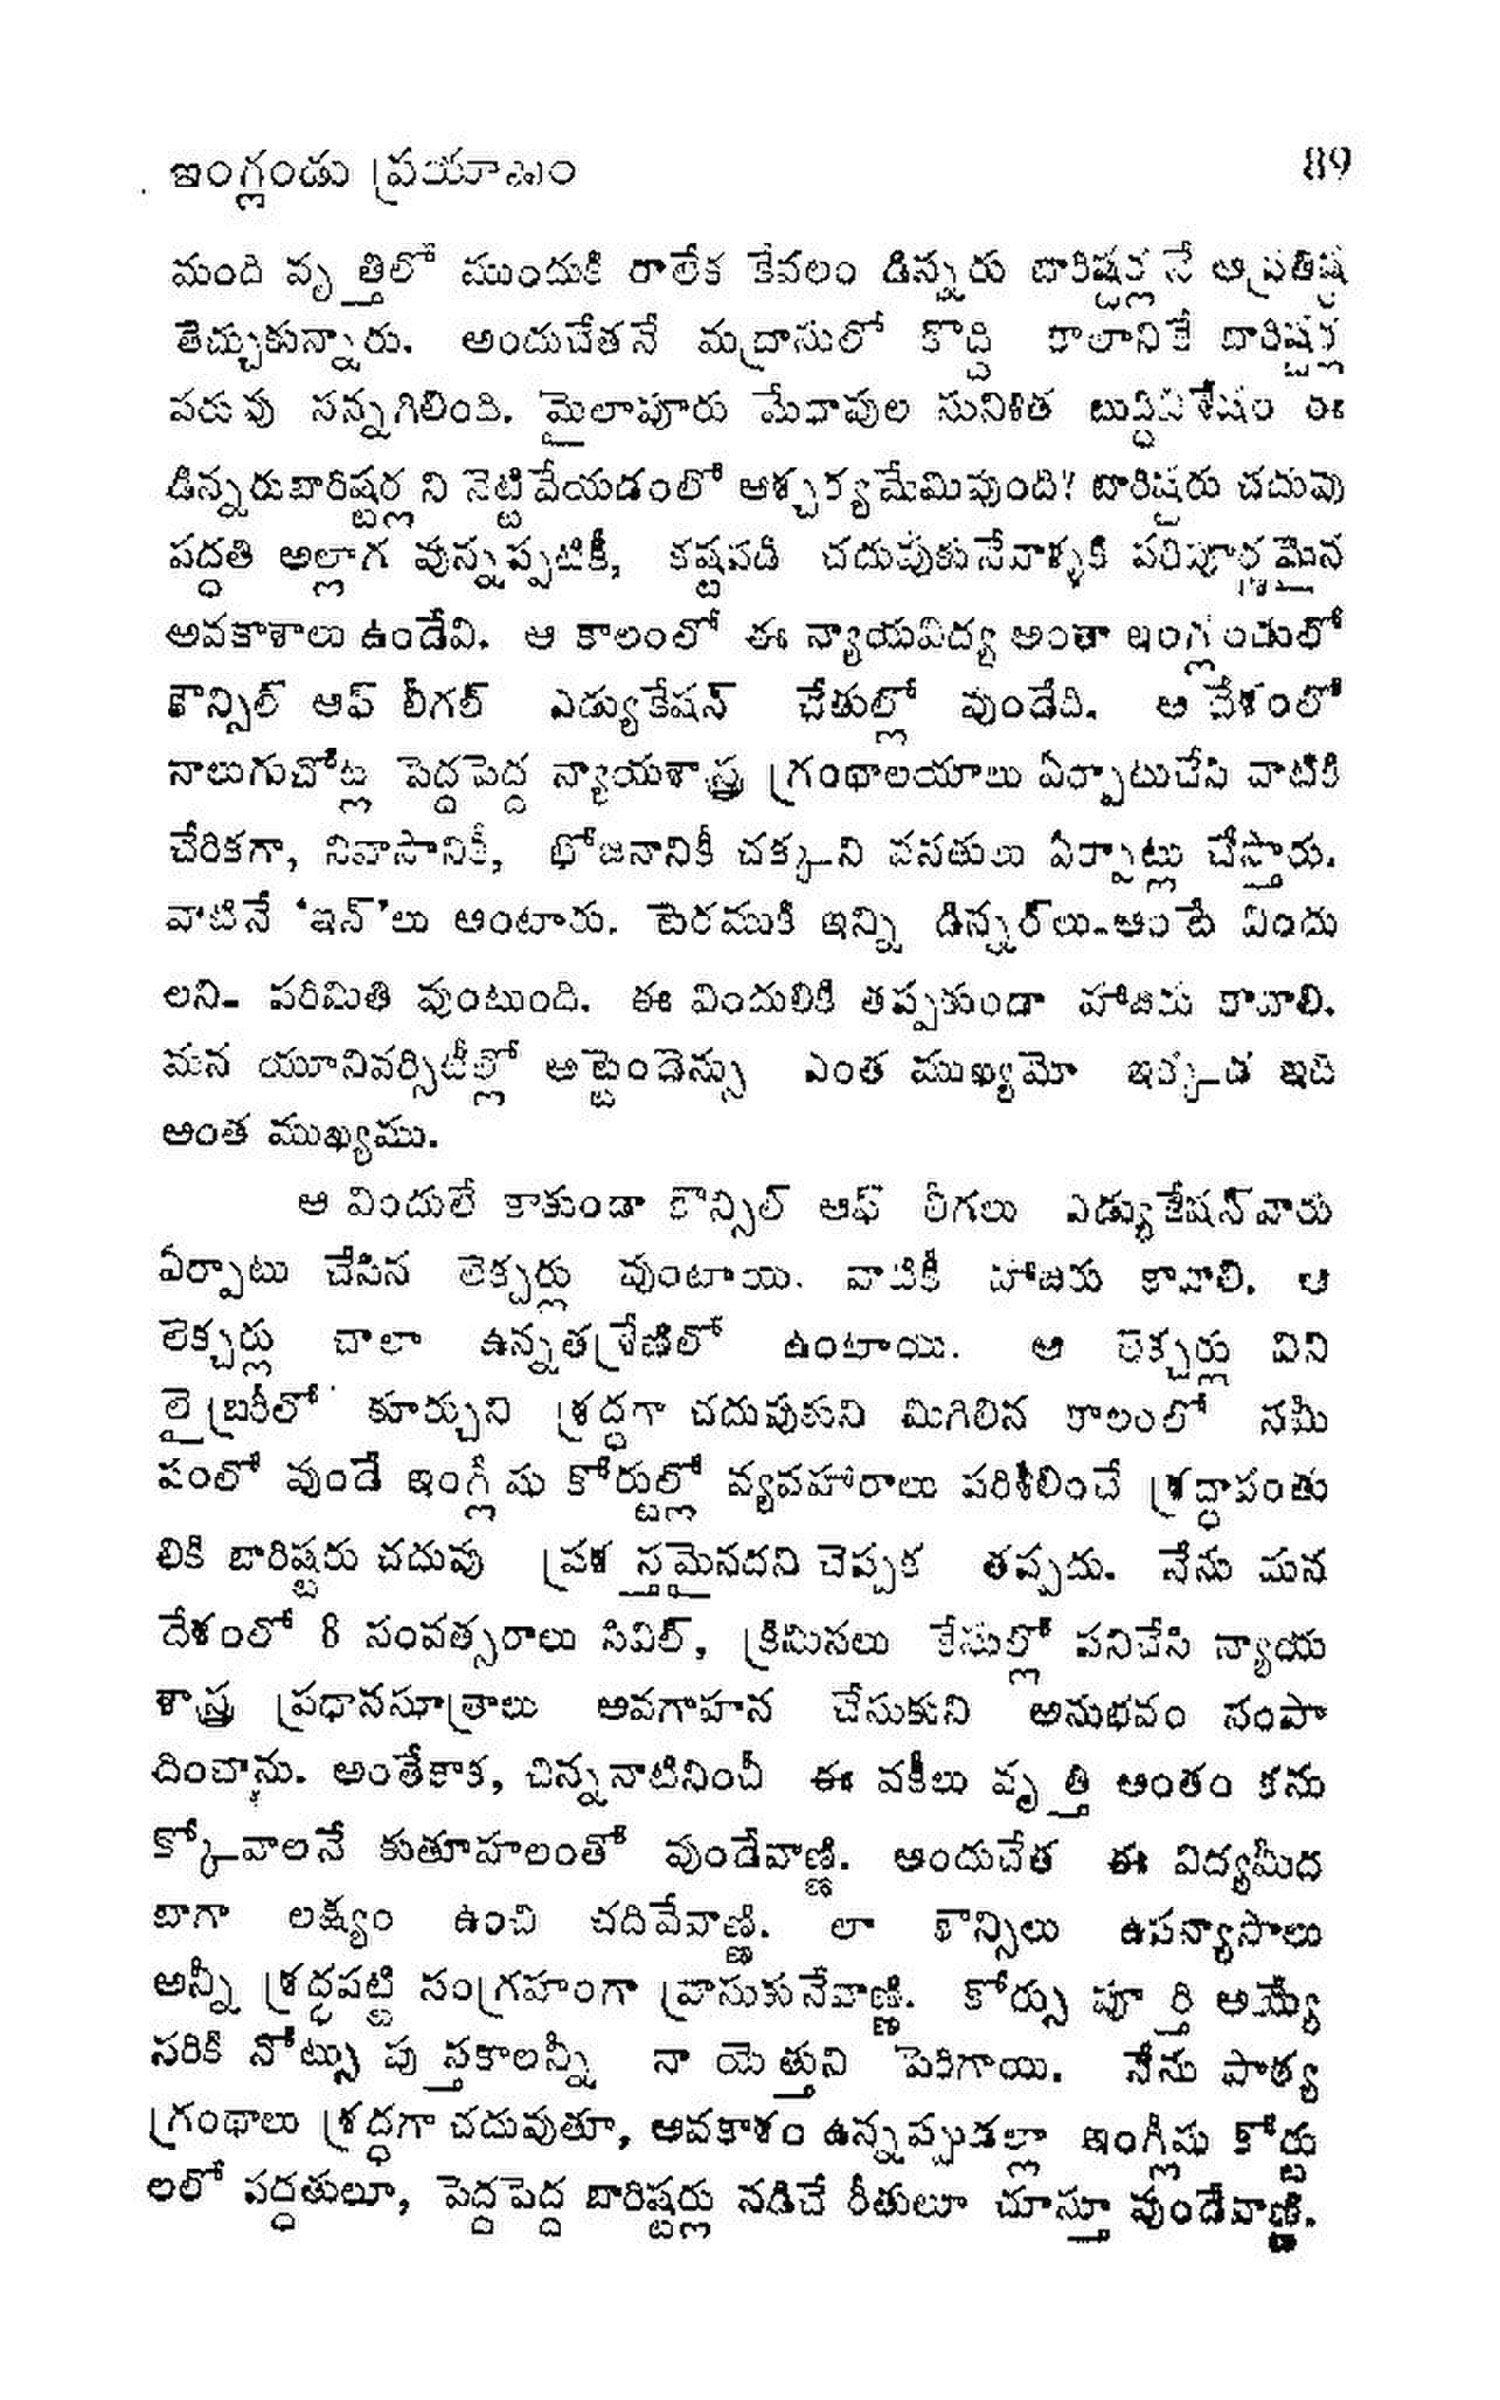మంది వృత్తిలో ముందుకి రాలేక కేవలం డిన్నరు బారిష్టర్లనే అప్రతిష్ట తెచ్చుకున్నారు. అందుచేతనే మద్రాసులో కొద్ది కాలానికే బారిష్టర్ల పరువు సన్నగిలింది. మైలాపూరు మేధావుల సునిశిత బుద్ధివిశేషం ఈ డిన్నరుబారిష్టర్లని నెట్టివేయడంలో ఆశ్చర్యమేమివుంది? బారిష్టరు చదువు పద్ధతి అల్లాగ వున్నప్పటికీ, కష్టపడి చదువుకునేవాళ్ళకి పరిపూర్ణమైన అవకాశాలు ఉండేవి. ఆ కాలంలో ఈ న్యాయవిద్య అంతా ఇంగ్లండులో కౌన్సిల్ ఆఫ్ లీగల్ ఎడ్యుకేషన్ చేతుల్లో వుండేది. ఆ దేశంలో నాలుగుచోట్ల పెద్దపెద్ద న్యాయశాస్త్ర గ్రంథాలయాలు ఏర్పాటుచేసి వాటికి చేరికగా, నివాసానికీ, భోజనానికీ చక్కని వసతులు ఏర్పాట్లు చేస్తారు. వాటినే 'ఇన్‌'లు అంటారు. టెరముకి ఇన్ని డిన్నర్‌లు - అంటే విందులని - పరిమితి వుంటుంది. ఈ విందులికి తప్పకుండా హాజరు కావాలి. మన యూనివర్సిటీల్లో అట్టెండెన్సు ఎంత ముఖ్యమో ఇక్కడ ఇది అంత ముఖ్యము.

ఆ విందులే కాకుండా కౌన్సిల్ ఆఫ్ లీగలు ఎడ్యుకేషన్‌వారు ఏర్పాటు చేసిన లెక్చర్లు వుంటాయి. వాటికీ హాజరు కావాలి. ఆ లెక్చర్లు చాలా ఉన్నతశ్రేణిలో ఉంటాయి. ఆ లెక్చర్లు విని లైబ్రరీలో కూర్చుని శ్రద్ధగా చదువుకుని మిగిలిన కాలంలో సమీపంలో వుండే ఇంగ్లీషు కోర్టుల్లో వ్యవహారాలు పరిశీలించే శ్రద్ధావంతులికి బారిష్టరు చదువు ప్రశస్తమైనదని చెప్పక తప్పదు. నేను మన దేశంలో 8 సంవత్సరాలు సివిల్, క్రిమినలు కేసుల్లో పనిచేసి న్యాయశాస్త్ర ప్రధానసూత్రాలు అవగాహన చేసుకుని అనుభవం సంపాదించాను. అంతేకాక, చిన్ననాటినించీ ఈ వకీలు వృత్తి అంతం కనుక్కోవాలనే కుతూహలంతో వుండేవాణ్ణి. అందుచేత ఈ విద్యమీద బాగా లక్ష్యం ఉంచి చదివేవాణ్ణి. లా కౌన్సిలు ఉపన్యాసాలు అన్నీ శ్రద్ధపట్టి సంగ్రహంగా వ్రాసుకునేవాణ్ణి. కోర్సు పూర్తి అయ్యేసరికి నోట్సు పుస్తకాలన్నీ నా యెత్తుని పెరిగాయి. నేను పాఠ్య గ్రంథాలు శ్రద్ధగా చదువుతూ, అవకాశం ఉన్నప్పుడల్లా ఇంగ్లీషు కోర్టులలో పద్ధతులూ, పెద్దపెద్ద బారిష్టర్లు నడిచే రీతులూ చూస్తూ వుండేవాణ్ణి.